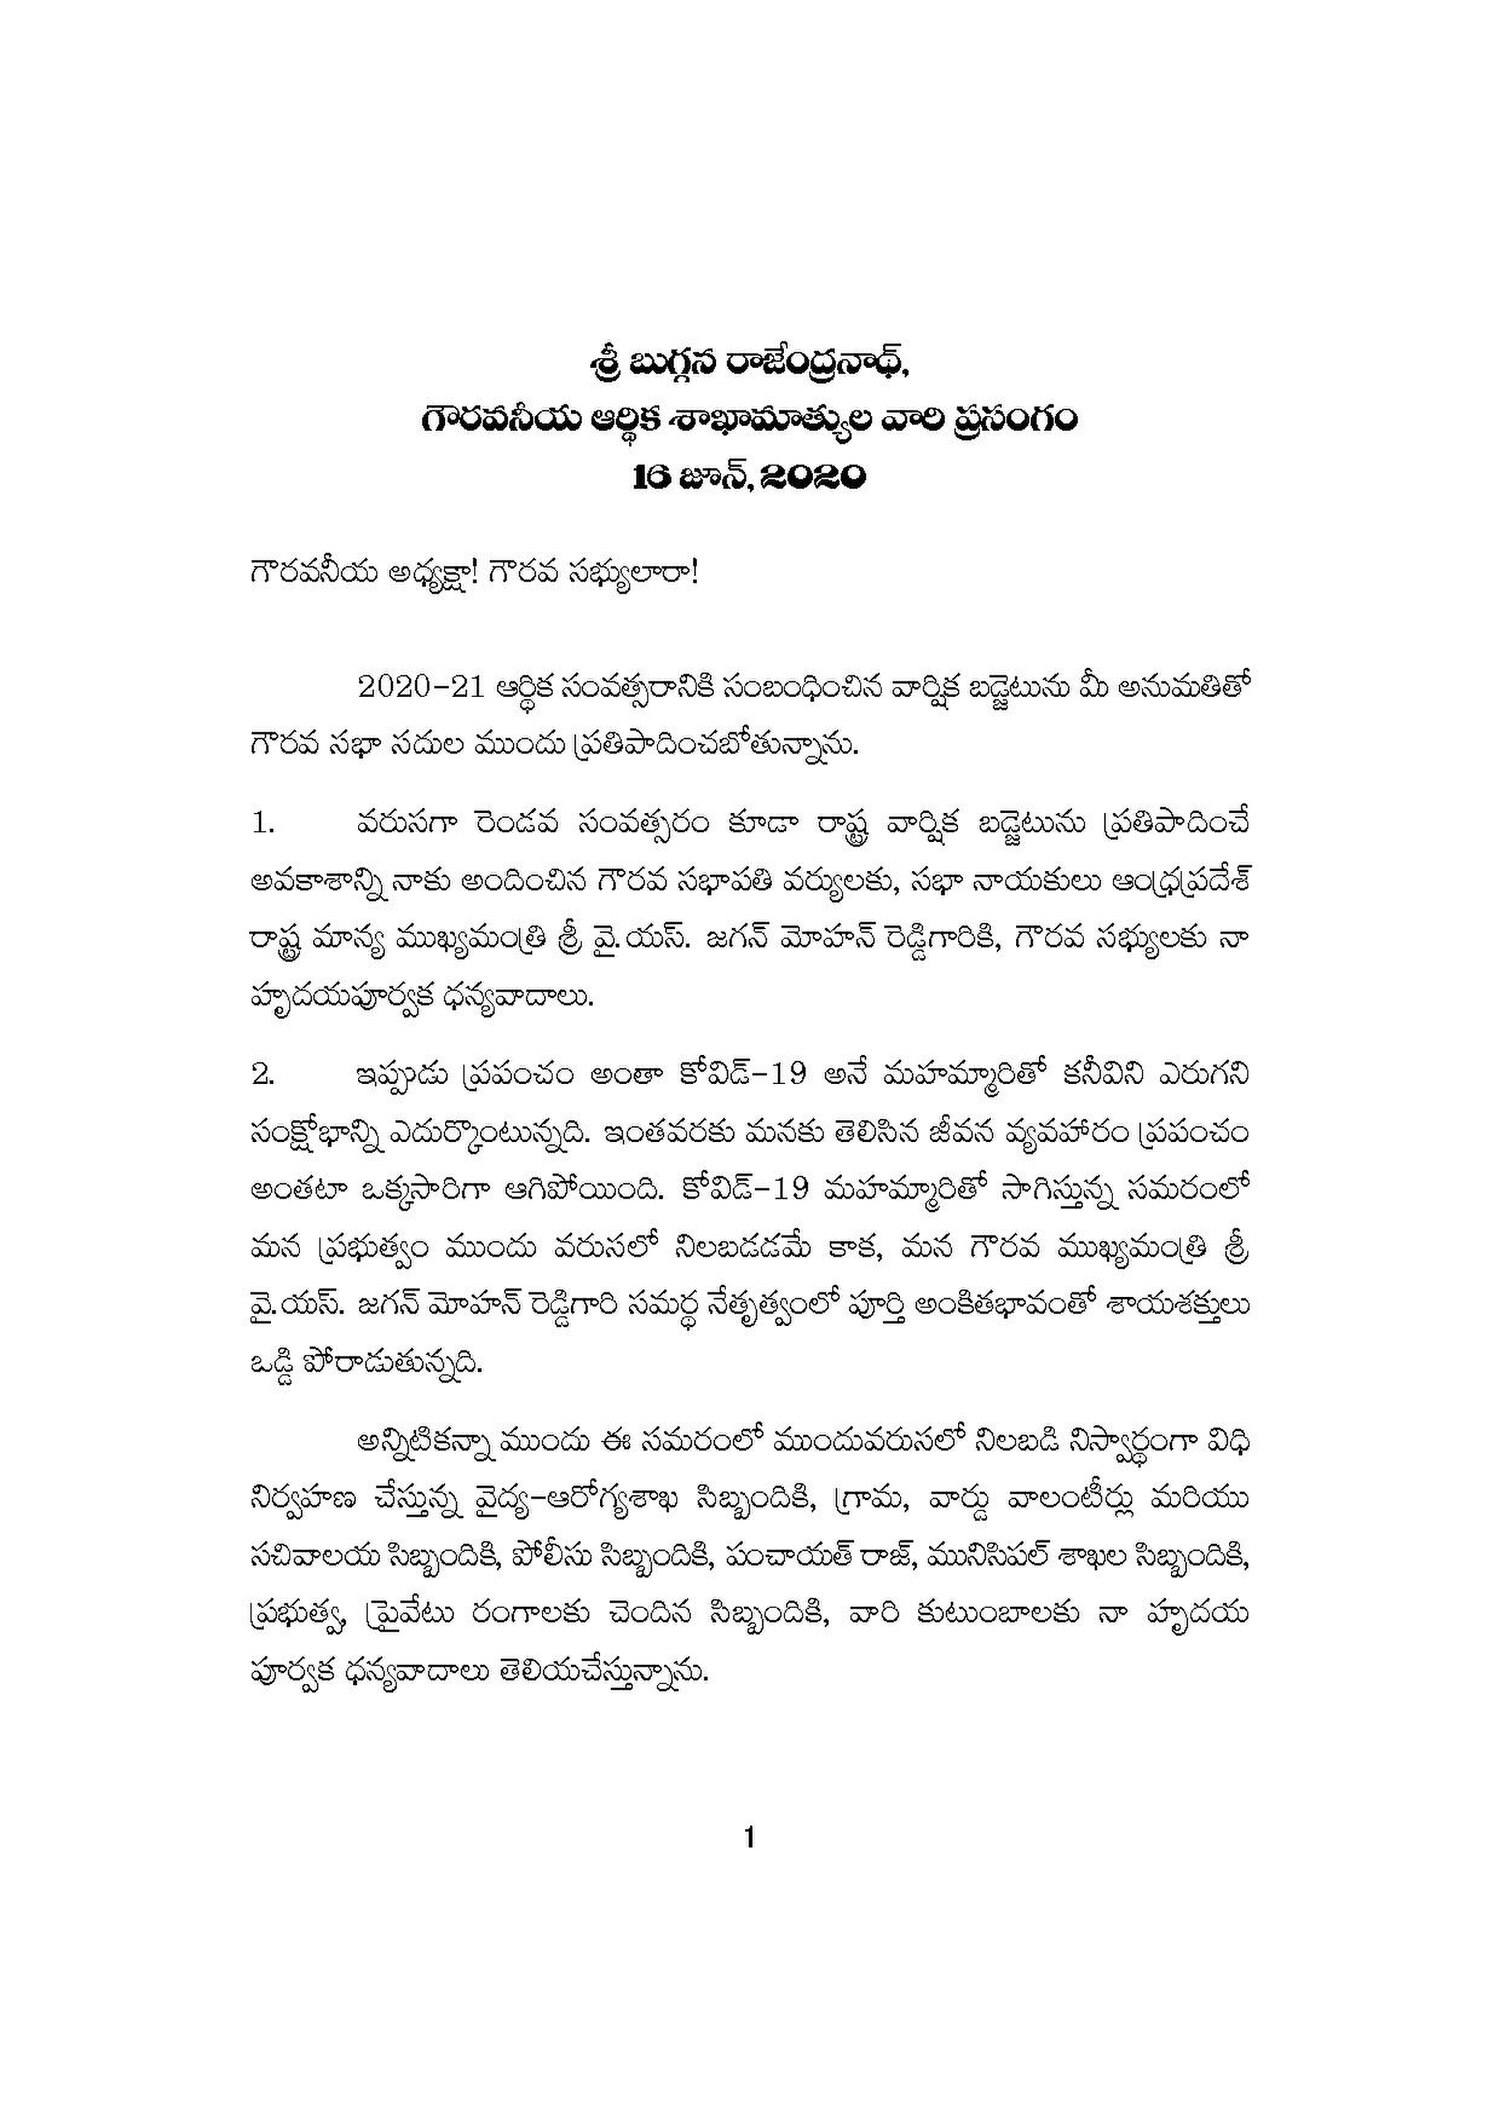శ్రీ బుగ్గన రాజేంద్రనాథ్,
గౌరవనీయ ఆర్థిక శాఖామాత్యుల వారి ప్రసంగం
16 జూన్, 2020

గౌరవనీయ అధ్యక్షా! గౌరవ సభ్యులారా!

2020-21 ఆర్థిక సంవత్సరానికి సంబంధించిన వార్షిక బడ్జెటును మీ అనుమతితో గౌరవ సభా సదుల ముందు ప్రతిపాదించబోతున్నాను.

1. వరుసగా రెండవ సంవత్సరం కూడా రాష్ట్ర వార్షిక బడ్జెటును ప్రతిపాదించే అవకాశాన్ని నాకు అందించిన గౌరవ సభాపతి వర్యులకు, సభా నాయకులు ఆంధ్రప్రదేశ్ రాష్ట్ర మాన్య ముఖ్యమంత్రి శ్రీ వై.యస్. జగన్ మోహన్ రెడ్డిగారికి, గౌరవ సభ్యులకు నా హృదయపూర్వక ధన్యవాదాలు. 

2. ఇప్పుడు ప్రపంచం అంతా కోవిడ్-19 అనే మహమ్మారితో కనీవిని ఎరుగని సంక్షోభాన్ని ఎదుర్కొంటున్నది. ఇంతవరకు మనకు తెలిసిన జీవన వ్యవహారం ప్రపంచం అంతటా ఒక్కసారిగా ఆగిపోయింది. కోవిడ్-19 మహమ్మారితో సాగిస్తున్న సమరంలో మన ప్రభుత్వం ముందు వరుసలో నిలబడడమే కాక, మన గౌరవ ముఖ్యమంత్రి శ్రీ వై.యస్. జగన్ మోహన్ రెడ్డిగారి సమర్థ నేతృత్వంలో పూర్తి అంకితభావంతో శాయశక్తులు ఒడ్డి పోరాడుతున్నది.

అన్నిటికన్నా ముందు ఈ సమరంలో ముందువరుసలో నిలబడి నిస్వార్థంగా విధి నిర్వహణ చేస్తున్న వైద్య ఆరోగ్యశాఖ సిబ్బందికి, గ్రామ, వార్డు వాలంటీర్లు మరియు సచివాలయ సిబ్బందికి, పోలీసు సిబ్బందికి, పంచాయత్ రాజ్, మునిసిపల్ శాఖల సిబ్బందికి, ప్రభుత్వ, ప్రైవేటు రంగాలకు చెందిన సిబ్బందికి, వారి కుటుంబాలకు నా హృదయ పూర్వక ధన్యవాదాలు తెలియచేస్తున్నాను.